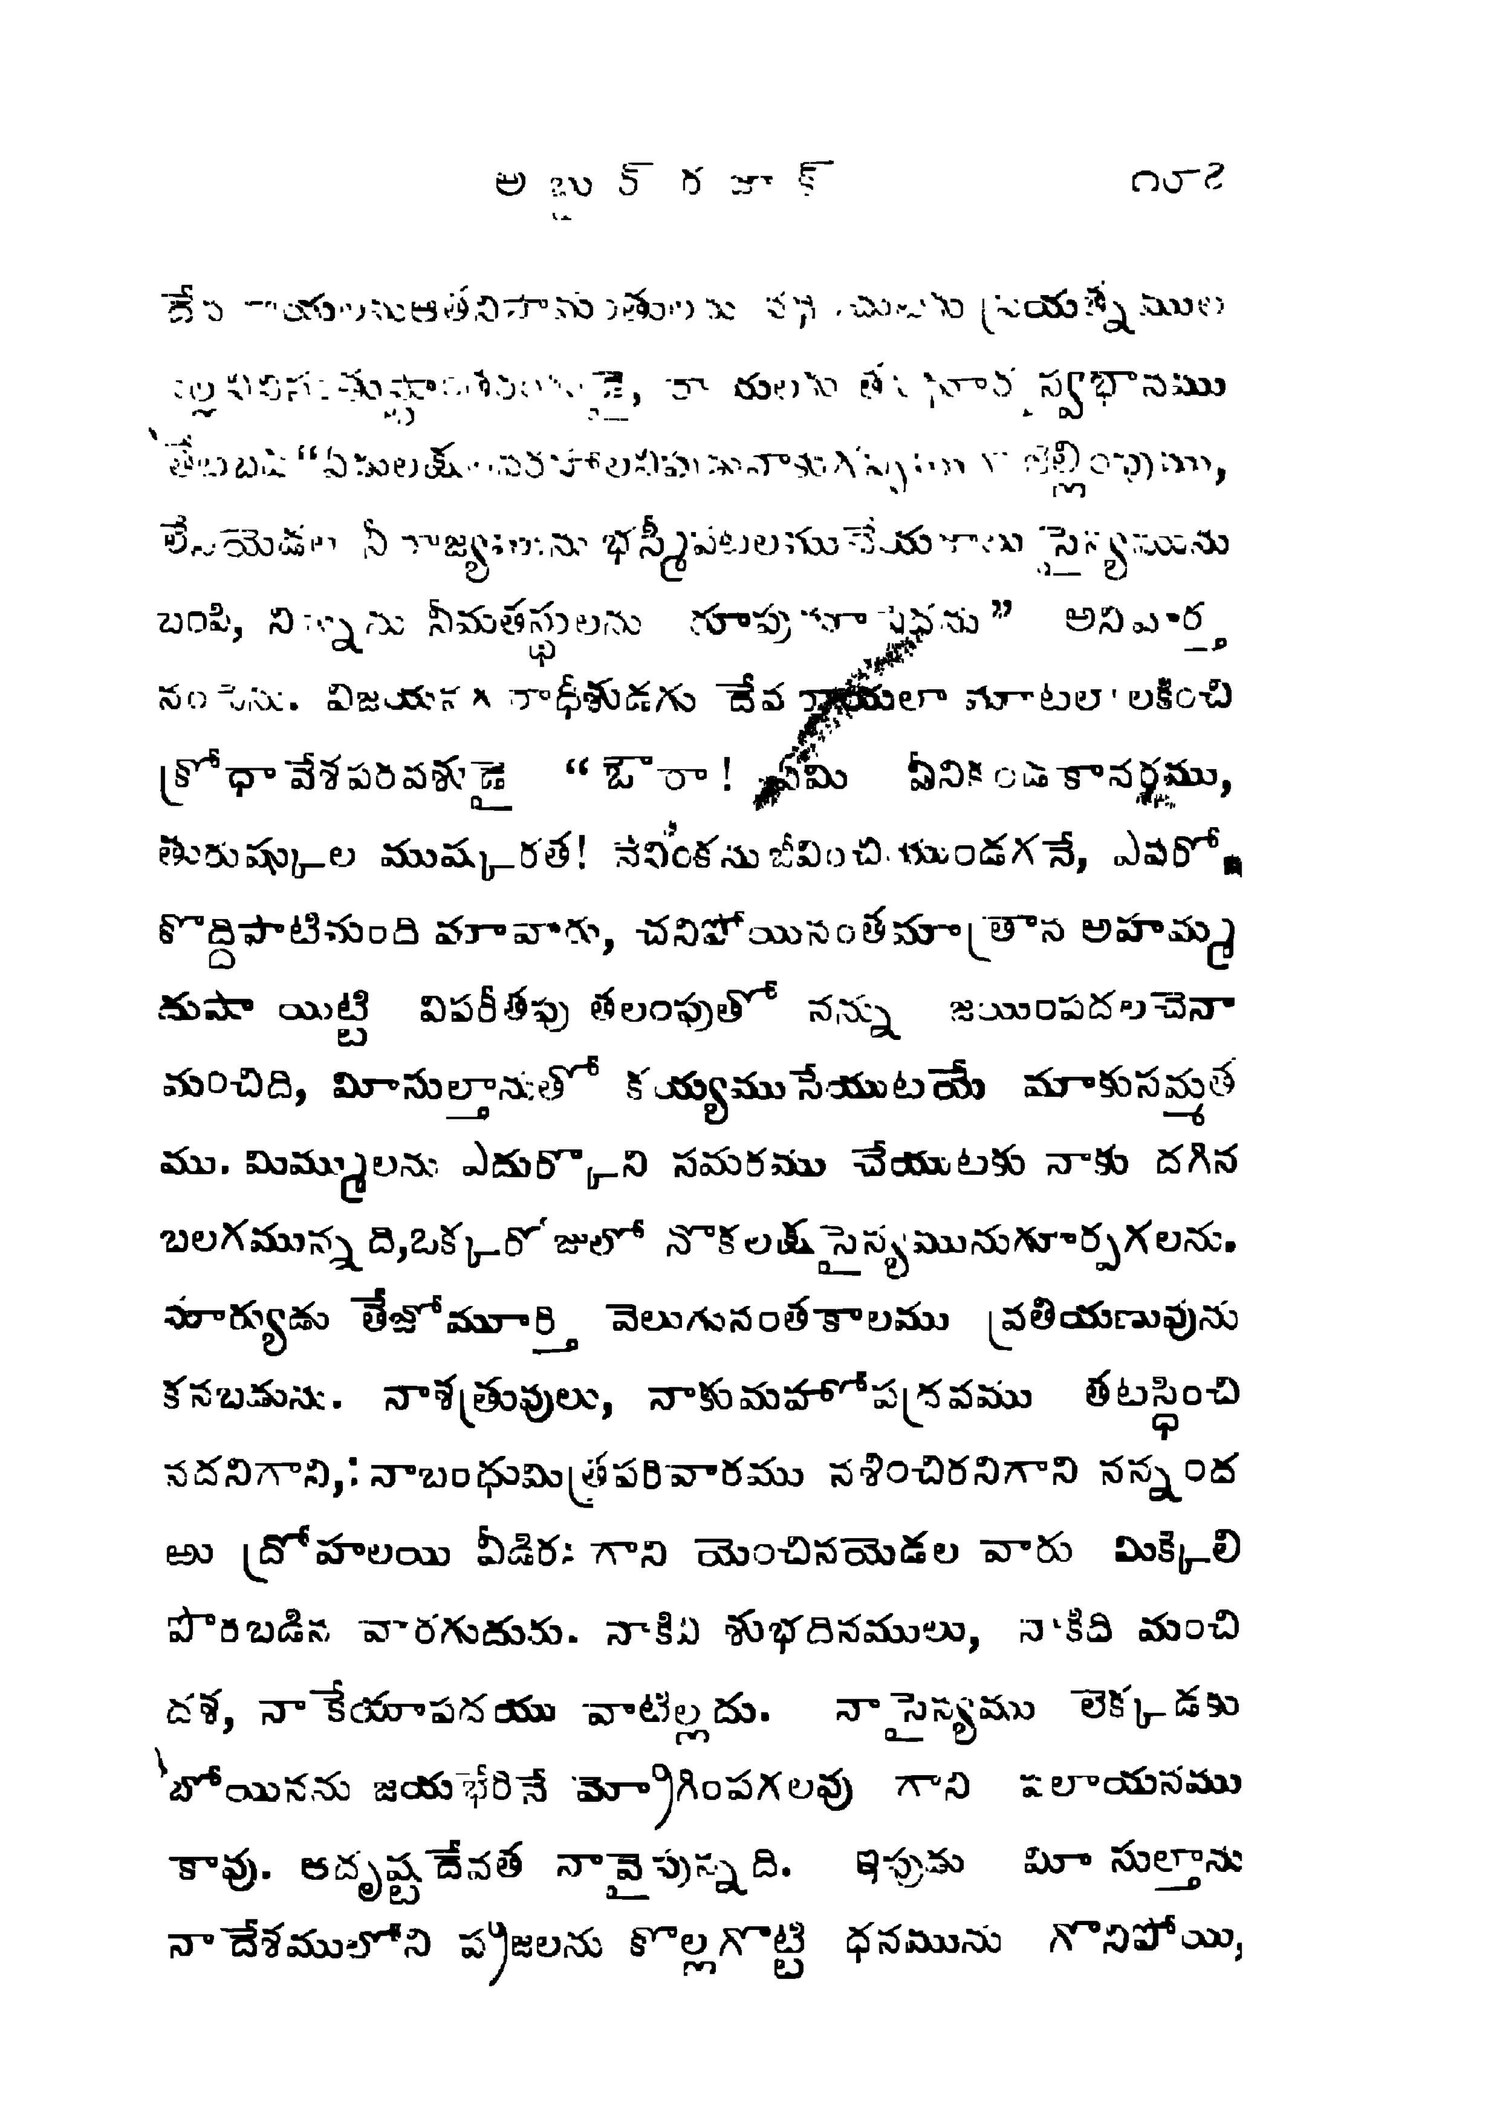దేవరాయలను ఆతని సామంతులను వధించుటకు ప్రయత్నముల వల్లనినిసంతుష్టాంతరంగుడై, రాయలకు తనధూర స్వభావము తేటబడ "ఏడు లక్షలవరహాలనిపుడు నాకుగప్పముగా జెల్లింపుము, లేనియెడల నీరాజ్యమును భస్మీపటలము చేయజాలు సైన్యమును బంపి, నిన్నును నీమతస్థులను రూపుమాపెదను" అనివార్తనంపెను. విజయనగరాధీశుడగు దేవరాయలా మాటలాలకించి క్రోధావేశపరవడై "ఔరా! ఏమి వీనికండకావరము, తురష్కుల ముష్కరత! నేనింకను జీవించియుండగనే, ఎవరో కొద్దిపాటిమంది మావారు, చనిపోయి నంతమాత్రాన అహమ్మదుషా యిట్టి విపరీతపు తలంపుతో నన్ను జయింపదలచెనా మంచిది. మీసుల్తానుతో కయ్యము సేయుటయే మాకు సమ్మతము. మిమ్ములను ఎదుర్కొని సమరము చేయుటకు నాకు దగిన బలగమున్నది, ఒక్కరోజులో నొక లక్షసైన్యమును గూర్పగలను. సూర్యుడు తేజోమూర్తి వెలుగునంతకాలము ప్రతియణువును కనబడును. నాశత్రువులు, నాకుమహోపద్రవము తటస్థించినదనిగాని; నాబంధుమిత్ర పరివారము నశించిరనిగాని నన్నందఱు ద్రోహలయి వీడిరనిగాని యెంచినయెడల వారు మిక్కిలి పొరబడిన వారగుదురు. నాకివి శుభదినములు, నాకిది మంచిదశ, నాకేయాపదయు వాటిల్లదు. నా సైన్యము లెక్కడకు బోయినను జయభేరినే మ్రోగింపగలవు గాని పలాయనము కావు. అదృష్టదేవత నావైపున్నది. ఇపుడు మీసుల్తాను నాదేశములోని ప్రజలను కొల్లగొట్టి ధనమును గొనిపోయి,